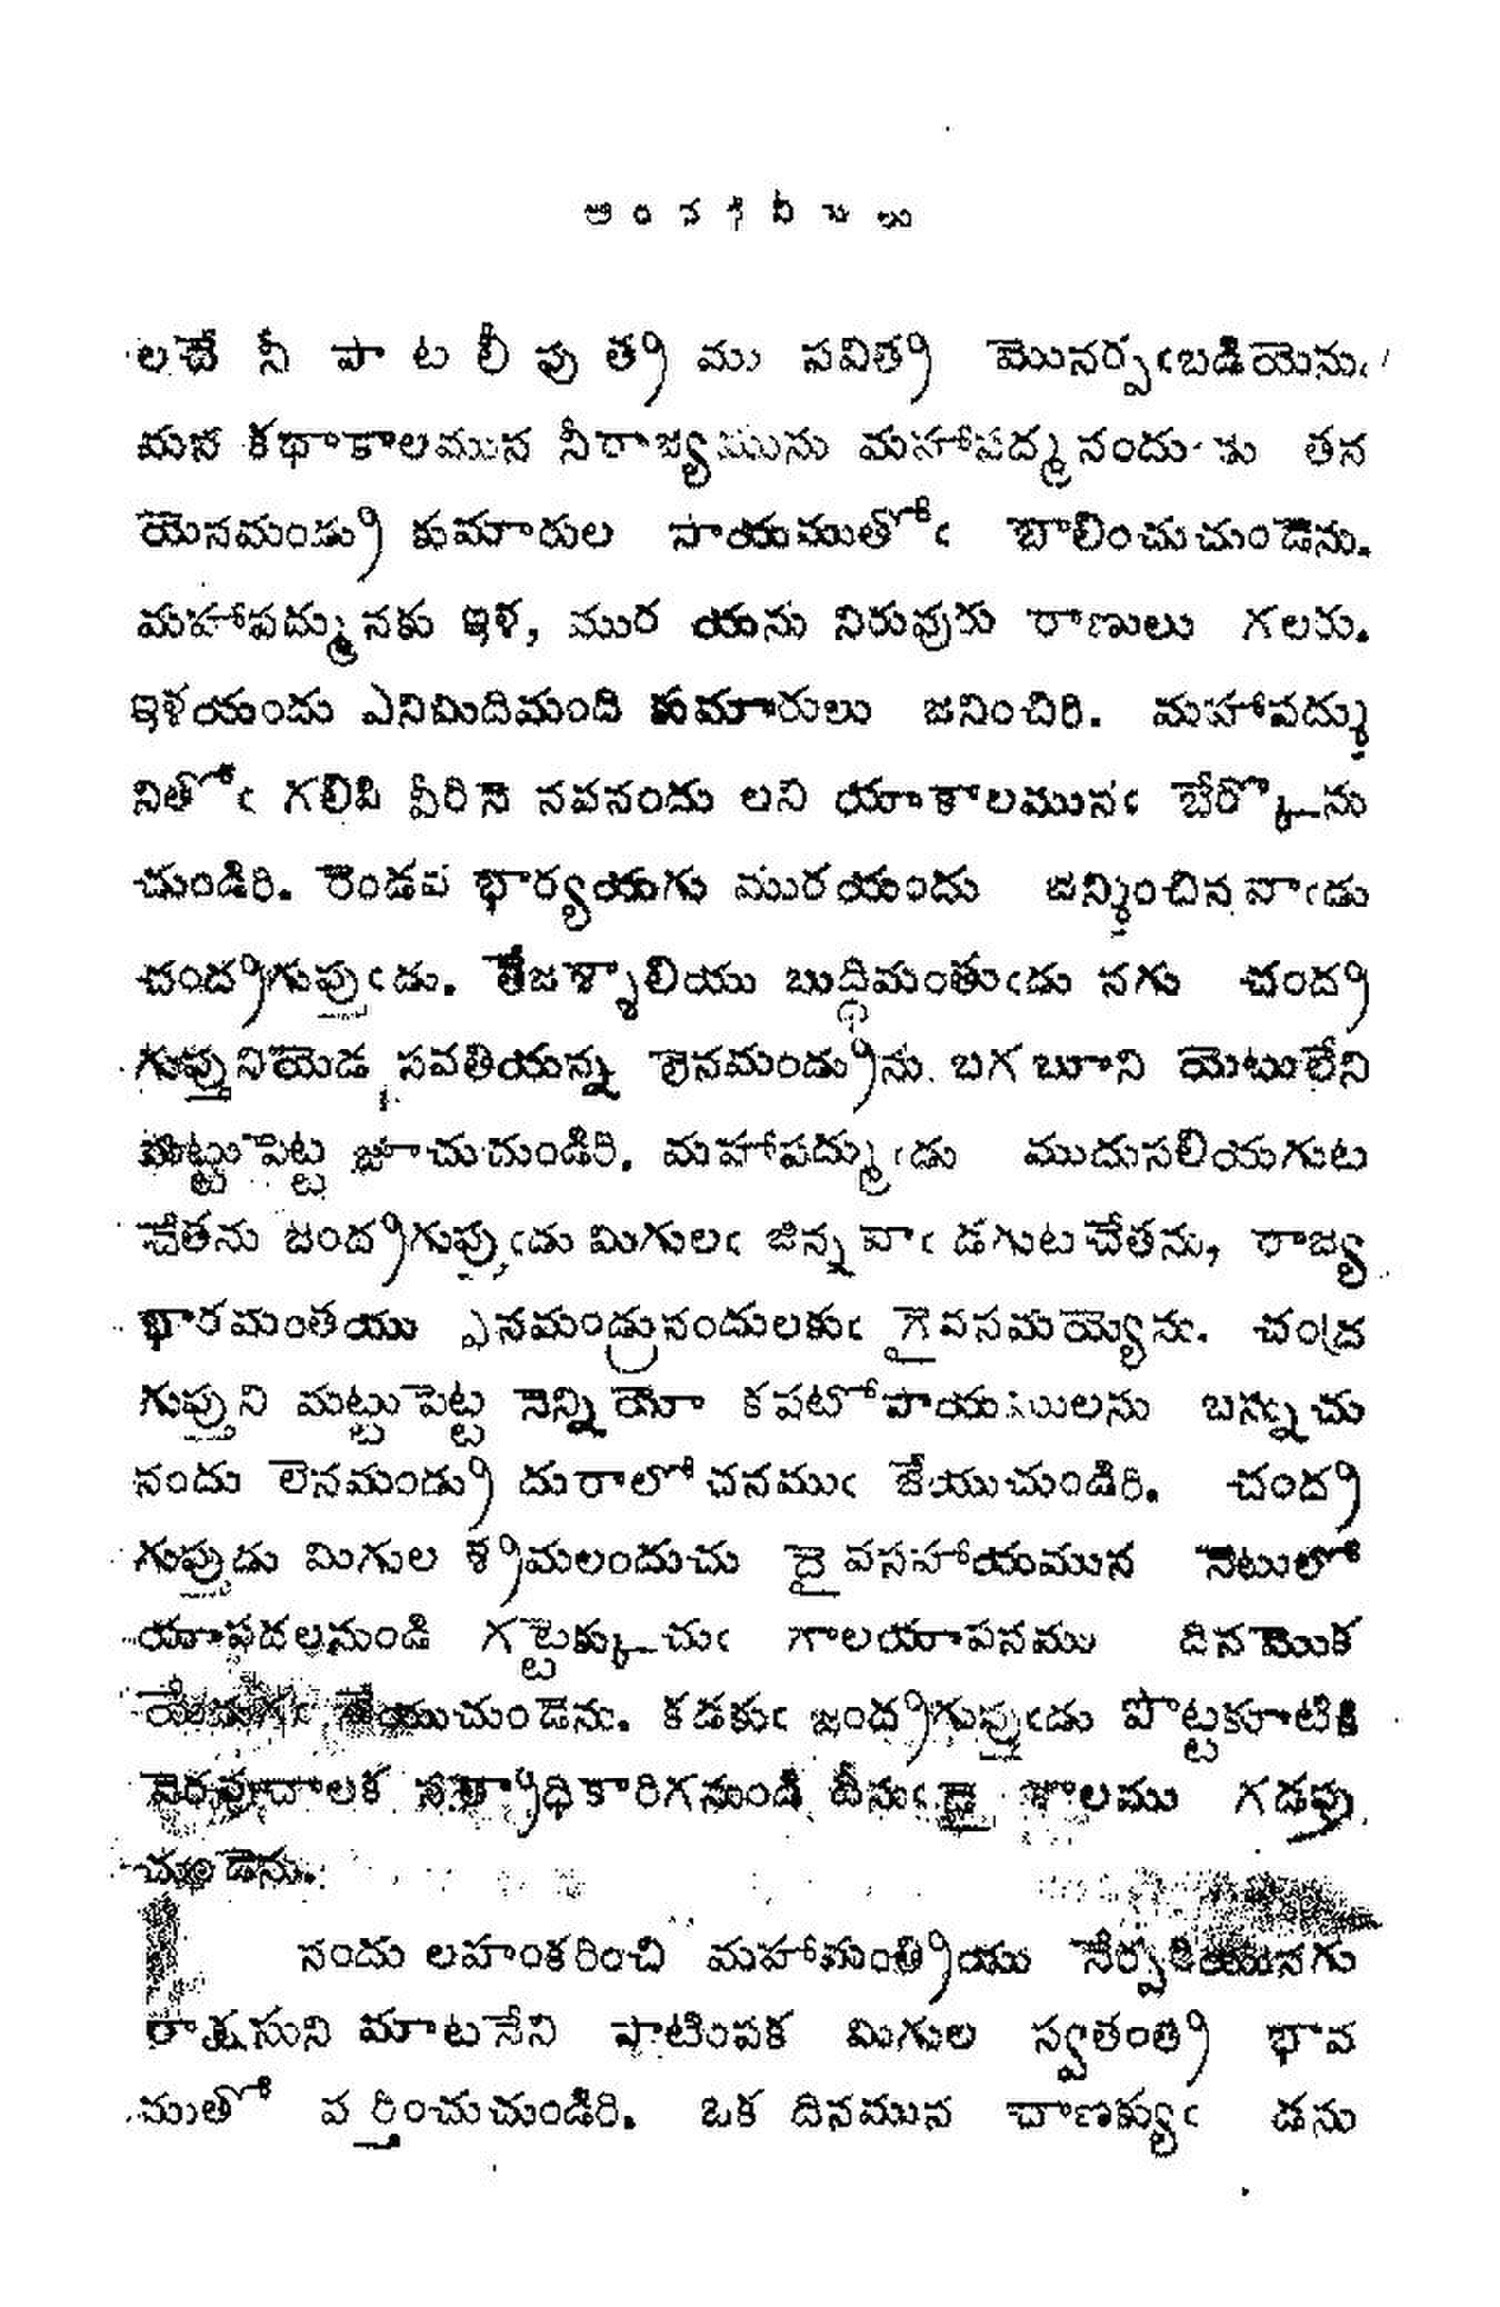లచే నీ పాటలీపుత్రము పవిత్ర మొనర్పబడియెను. మన కథాకాలమున నీ రాజ్యమును మహాపద్మనందుడు తన యెనమండ్రు కుమారుల సాయముతో బాలించుచుండెను. మహాపద్మునకు ఇళ, ముర యను నిరువురు రాణులు గలరు. ఇళ యందు ఎనిమిదిమంది కుమారులు జనించిరి. మహాపద్మునితో గలిపి వీరిని నవనందు లని యాకాలమున బేర్కొనుచుండిరి. రెండవ భార్యయగు మురయందు జన్మించిన వాడు చంద్రగుప్తుడు. తేజశ్శాలియు బుద్ధిమంతుడు నగు చంద్రగుప్తునియెడ సవతియన్న లెనమండ్రును పగ బూని యెటులేని మట్టుపెట్ట జూచుచుండిరి. మహాపద్ముడు ముదుసలియగుట చేతను జంద్రగుప్తుడు మిగుల జిన్నవాడగుట చేతను, రాజ్యభారమంతయు ఎనమండ్రునందులకు గైవసమయ్యెను. చంద్రగుప్తుని మట్టు పెట్ట నెన్నియో కపటోపాయములను బన్నుచు నందులెనమండ్రు దురాలోచనము జేయుచుండిరి. చంద్రగుప్తుడు మిగుల శ్రమలందుచు దైవ సహాయమున నెటులో యాపదనుండి గట్టెక్కుచు గాలయాపనము దినమొక యేడుగ జేయుచుండెను. కడకు జంద్రగుప్తుడు పొట్టకూటికి వెరవు చాలక సత్రాధికారిగనుండి దీనుడై కాలము గడుపుచుండెను.

నందు లహంకరించి మహామంత్రియు నేర్పరియునగు రాక్షసుని మాటనేని పాటింపక మిగుల స్వతంత్ర భావముతో వర్తించుచుండిరి. ఒకదినమున చాణక్యు డను